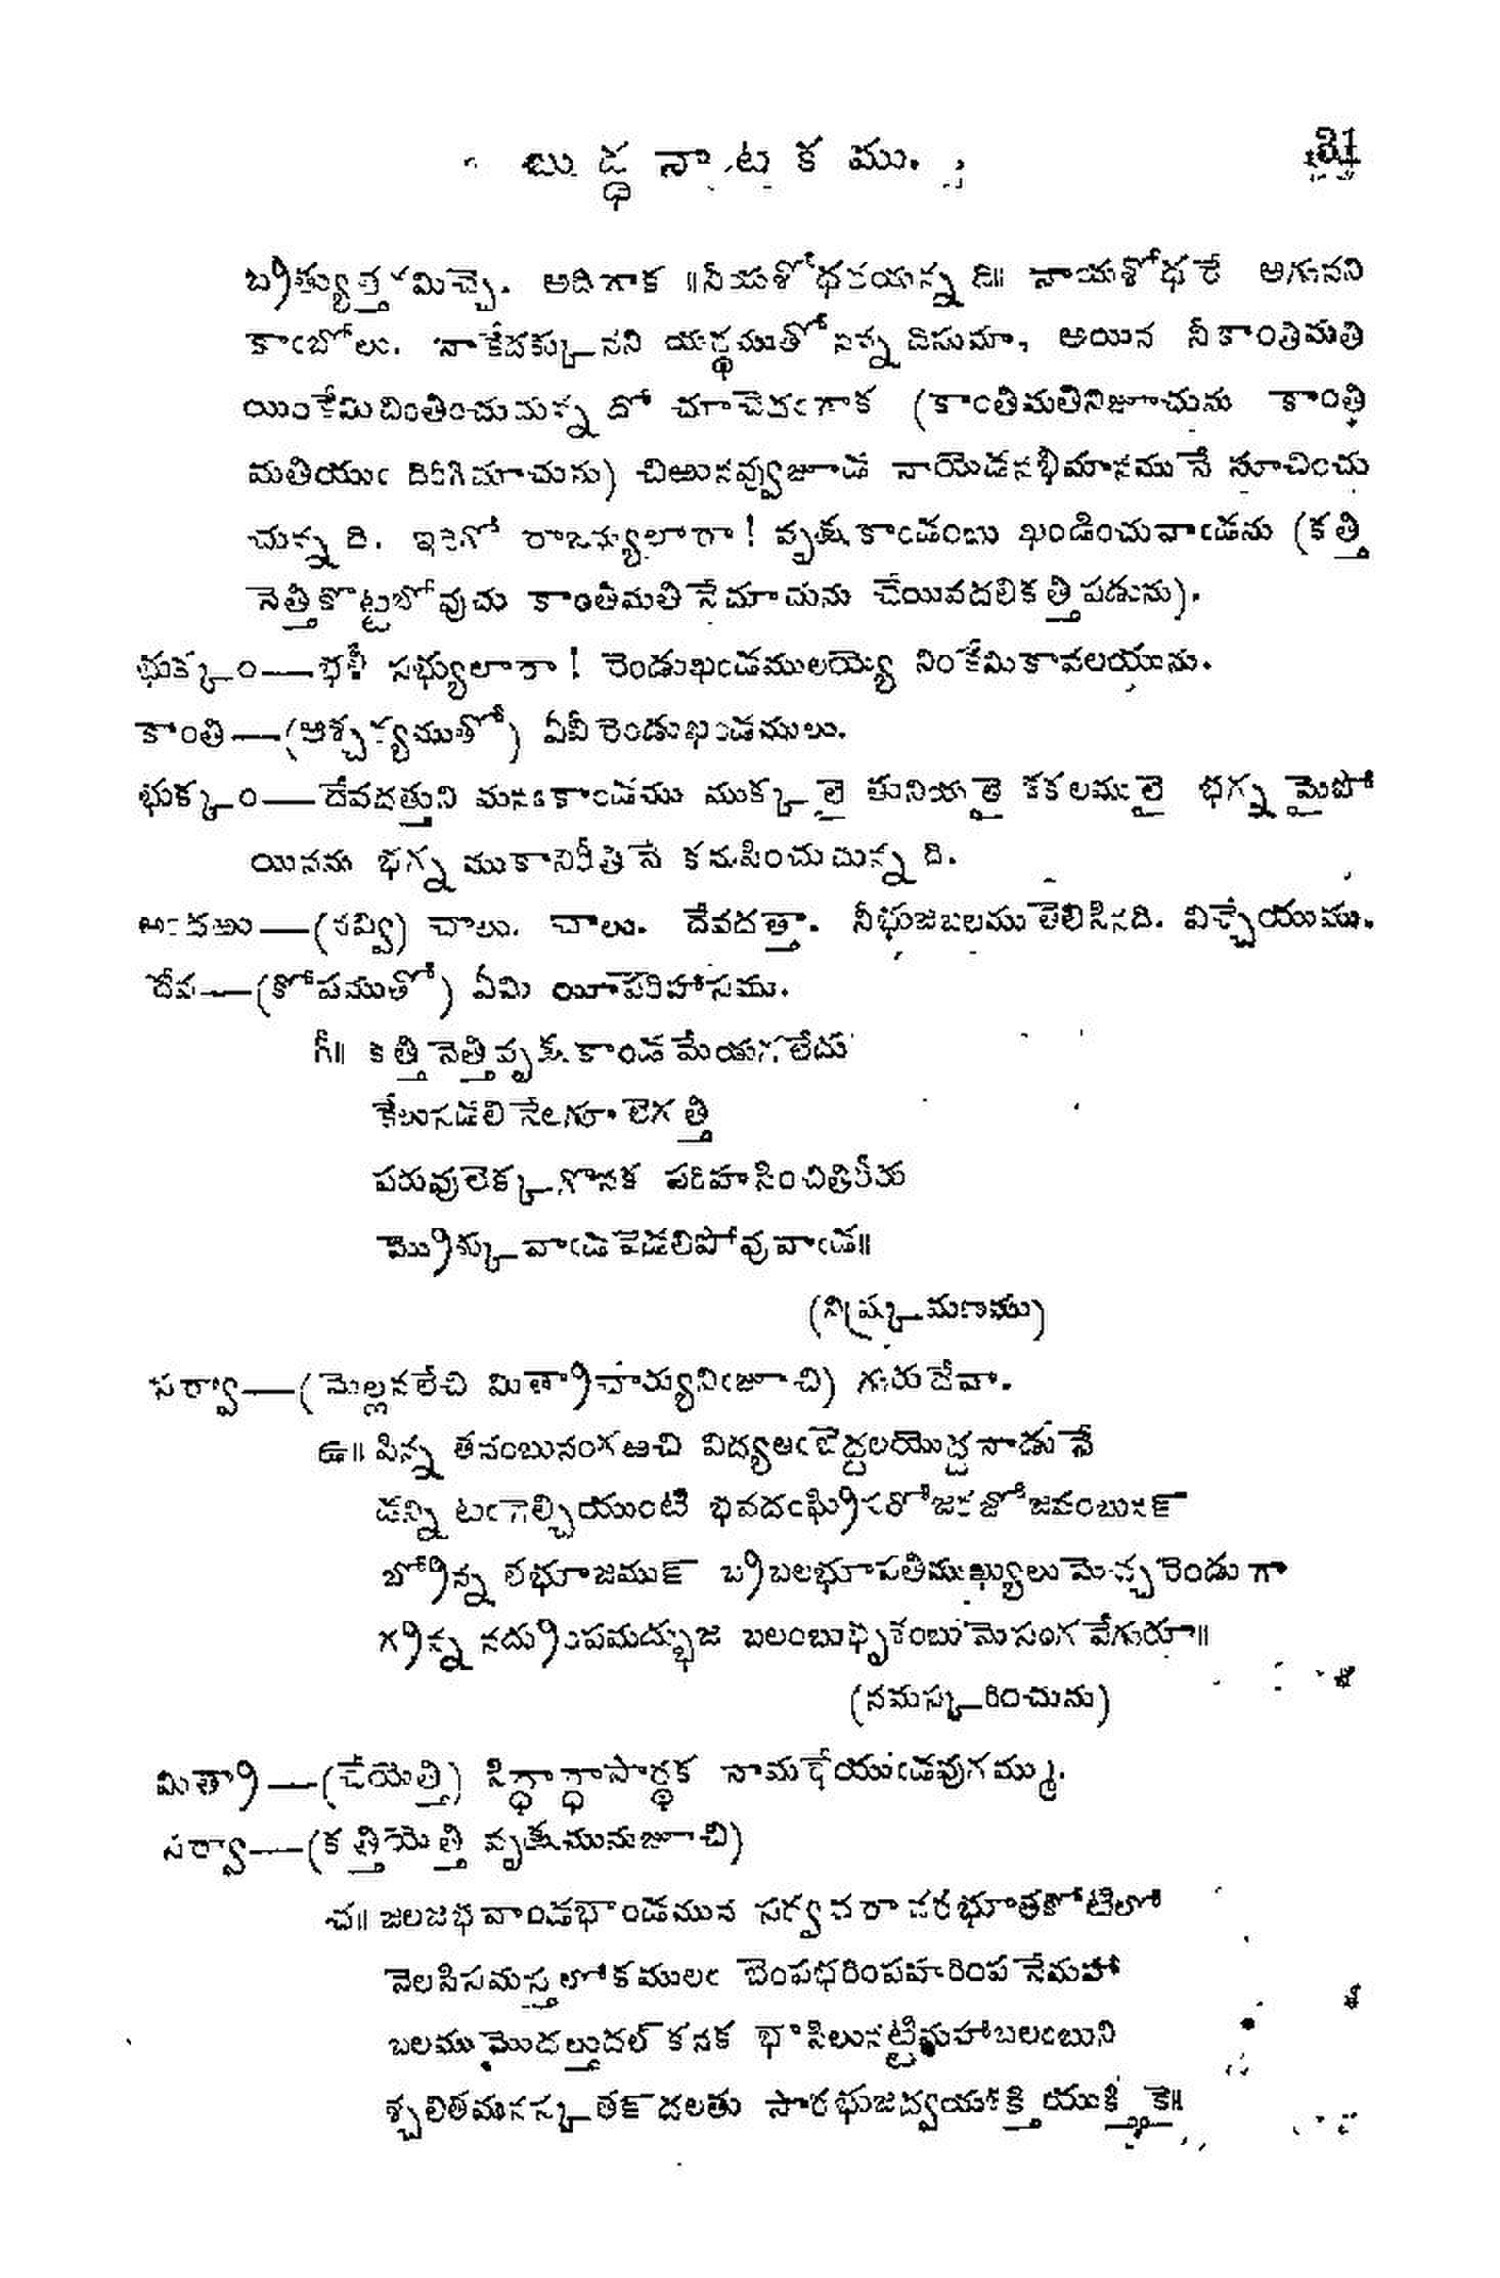బ్రత్య్రత్తరమిచ్చె. అదిగాక 'నీయశోధకయన్నది' నాయశోధరే అగునని కాఁబోలు. నాకేదక్కునని యర్థముతో నిన్నదిసుమా. అయిన నీ కాంతిమతి యింకేమిచింతించుచున్నదో చూచెదఁగాక (కాంతిమతినిజూచును కాంతిమతియుఁ దిరిగిచూచును) చిఱునవ్వుజూడ నాయెడవభిమానమునే సూచించు చున్నది. ఇదిగో రాజన్యలారా! వృక్షకాండంబు ఖండించువాఁడను (కత్తినెత్తి కొట్టబోవుచు కాంతిమతినే చూచును చేయివదలికత్తిపడును).

భుక్కం — భళీ సభ్యులారా! రెండు ఖండములయ్యె నింకేమికావలయును.

కాంతి — (ఆశ్చర్యముతో) ఏదీ రెండుఖండములు.

భుక్కం — దేవదత్తుని మన:కాండము ముక్కలైతునియలై కకలములై భగ్నమైపోయినను భగ్నముకానిరీతినే కనిపించుచున్నది.

అందఱు - (నవ్వి) చాలు. చాలు. దేవదత్తా. నీభుజబలము తెలిసినది. విచ్చేయుము.

దేవ —— (కోపముతో) ఏమి యీపరిహాసము.

గీ॥ కత్తినెత్తివృక్షకాండమేయగలేదు
కేలుసడలినేలగూలెగత్తి
పరువులెక్క గొనక పరిహసించితిరీరు 
మొక్కువాఁడివెడలిపోవువాఁడ॥

సర్వా - (మెల్లనలేచి మిత్రాచార్యునిఁజూచి) గురుదేవా.

ఉ॥ పిన్న తనంబునంగఱచి విద్యలఁబెద్దలయొద్ద నాడు నే
డన్నిటఁగెల్చియుంటి భవదంఘీ సరోజరారోజరజోజవంబున౯ 
బ్రోన్న రభూజము౯ బ్రబలభూపతిముఖ్యులుమెచ్చరెండు గా
గ్రన్న నద్రుంపమద్భుజ బలంబుభృశంబుమెసంగవేగురూ॥ 

 

మిత్రా — (చేయెత్తి) సిద్ధార్ధసార్ధక నామదేయుఁడవుగమ్ము.

సర్వా - (కత్తియెత్తి వృక్షమునుజూచి)

చ॥ జలజభవాండభాండమున సర్వచవరాభూతకోటిలో
వెలసిసమస్తలోకములఁ బెంపభరింపహరింపనేమహా
బలము మొదల్తుదల్కనక భాసిలునట్టిమహాబలంబుని
శ్చలితమనస్కత౯దలకు సారభుజద్వయశక్తి యుక్తి కై॥